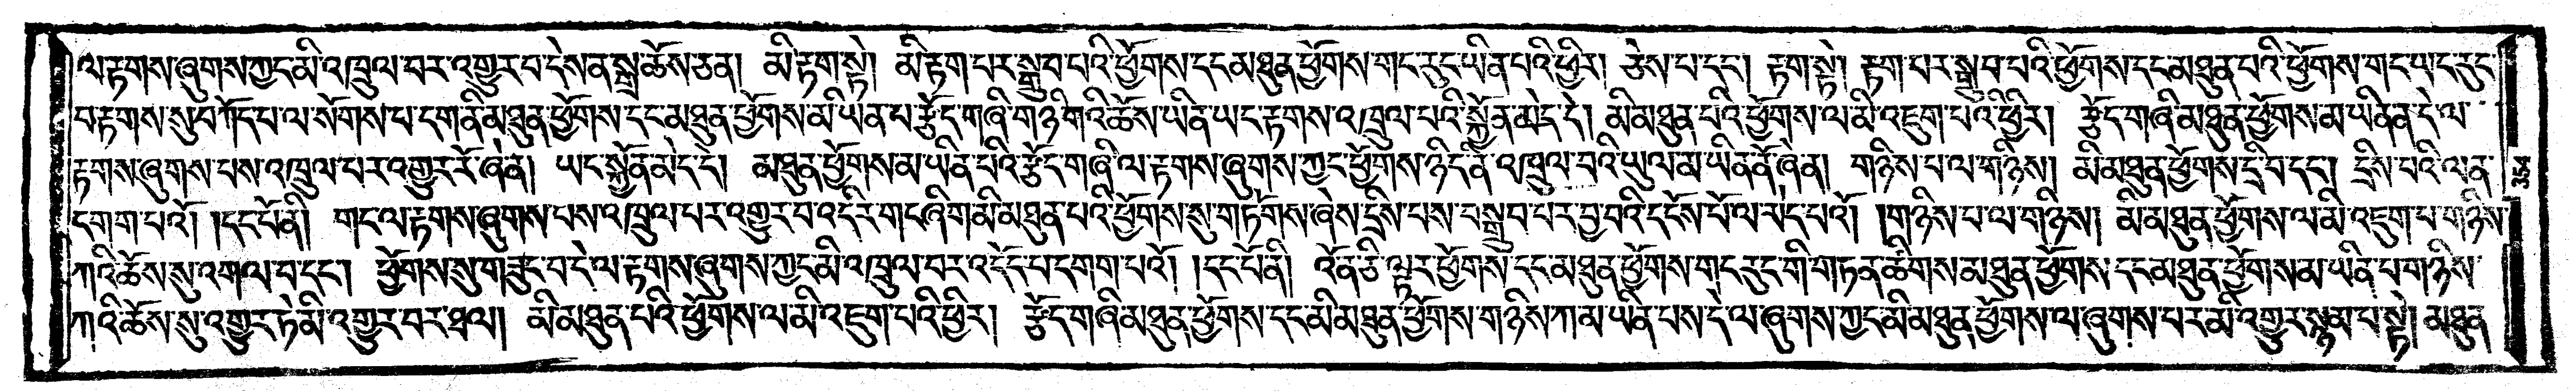ལ་རྟགས་ཞུགས་ཀྱང་མི་འཁྲུལ་བར་འགྱུར་བ་ངེས་ན་སྒྲ་ཆོས་ཅན། མི་རྟག་སྟེ། མི་རྟག་པར་སྒྲུབ་པའི་ཕྱོགས་དང་མཐུན་ཕྱོགས་གང་རུང་ཡིན་པའི་ཕྱིར། ཅེས་པ་དང་། རྟག་སྟེ། རྟག་པར་སྒྲུབ་པའི་ཕྱོགས་དང་མཐུན་པའི་ཕྱོགས་གང་ཡང་རུང་
བརྟགས་སུ་བཀོད་པ་ལ་སོགས་པ་དག་ནི་མཐུན་ཕྱོགས་མ་ཡིན་པའི་རྩོད་གཞི་གཉི་གའི་ཆོས་ཡིན་ཡང་རྟགས་འཁྲུལ་པའི་སྐྱོན་མེད་དེ། མི་མཐུན་པའི་ཕྱོགས་ལ་མི་འཇུག་པའི་ཕྱིར། རྩོད་གཞི་མཐུན་ཕྱོགས་མ་ཡིན་ན་དེ་ལ་
རྟགས་ཞུགས་པས་འཁྲུལ་པར་འགྱུར་རོ་ཞེ་ན། ཡང་སྐྱོན་མེད་དེ། མཐུན་ཕྱོགས་མ་ཡིན་པའི་རྩོད་གཞི་ལ་རྟགས་ཞུགས་ཀྱང་ཕྱོགས་ཉིད་ནི་འཁྲུལ་བའི་ཡུལ་མ་ཡིན་ནོ་ཞེ་ན། གཉིས་པ་ལ་གཉིས། མི་མཐུན་ཕྱོགས་དྲི་བ་དང་། དྲིས་པའི་ལན་
དགག་པའོ། །དང་པོ་ནི། གང་ལ་རྟགས་ཞུགས་པས་འཁྲུལ་པར་འགྱུར་བ་འདིར་གང་ཞིག་མི་མཐུན་པའི་ཕྱོགས་སུ་གཏོགས་ཞེས་དྲིས་པས་བསྒྲུབ་པར་བྱ་བའི་དངོས་པོ་ལ་མེད་པའོ། །གཉིས་པ་ལ་གཉིས། མི་མཐུན་ཕྱོགས་ལ་མི་འཇུག་པ་གཉིས་
ཀའི་ཆོས་སུ་འགལ་བ་དང་། ཕྱོགས་སུ་གཟུང་བ་དེ་ལ་རྟགས་ཞུགས་ཀྱང་མི་འཁྲུལ་བར་འདོད་པ་དགག་པའོ། །དང་པོ་ནི། འོ་ན་ཅི་ལྟར་ཕྱོགས་དང་མཐུན་ཕྱོགས་གང་རུང་གི་གཏན་ཚིགས་མཐུན་ཕྱོགས་དང་མཐུན་ཕྱོགས་མ་ཡིན་པ་གཉིས་
ཀའི་ཆོས་སུ་འགྱུར་ཏེ་མི་འགྱུར་བར་ཐལ། མི་མཐུན་པའི་ཕྱོགས་ལ་མི་འཇུག་པའི་ཕྱིར། རྩོད་གཞི་མཐུན་ཕྱོགས་དང་མི་མཐུན་ཕྱོགས་གཉིས་ཀ་མ་ཡིན་པས་དེ་ལ་ཞུགས་ཀྱང་མི་མཐུན་ཕྱོགས་ལ་ཞུགས་པར་མི་འགྱུར་སྙམ་པ་སྟེ། མཐུན་